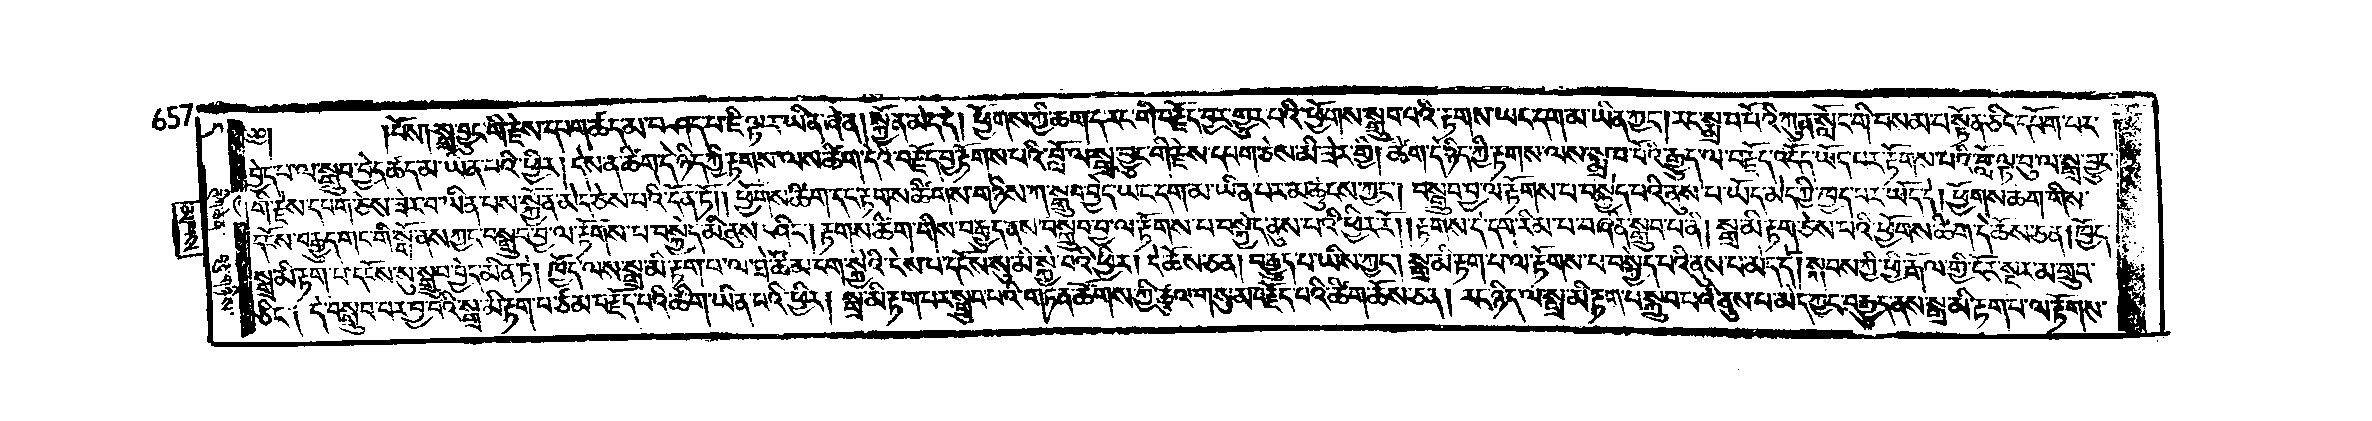༄༅། །པོས། སྒྲ་བྱུང་གི་རྗེས་དཔག་ཚད་མ་བཤད་པ་ཇི་ལྟར་ཡིན་ཞེ་ན། སྐྱོན་མེད་དེ། ཕྱོགས་ཀྱི་ཆག་ད་རང་གི་བརྗོད་བྱར་གྱུར་བའི་ཕྱོགས་སྒྲུབ་པའི་རྟགས་ཡང་དག་མ་ཡིན་ཀྱང་། རང་སྨྲ་བ་པོའི་ཀུན་སློང་གི་བསམ་པ་སྟོན་ཅིང་དཔོག་པར་
བྱེད་པ་ལ་སྒྲུབ་བྱེད་ཚད་མ་ཡིན་པའི་ཕྱིར། དེས་ན་ཚིག་དེ་ཉིད་ཀྱི་རྟགས་ལས་ཚིག་དེའི་བརྗོད་བྱ་རྟོགས་པའི་བློ་ལ་སྒྲ་བྱུང་གི་རྗེས་དཔག་ཅེས་མི་ཟེར་གྱི། ཚིག་དེ་ཉིད་ཀྱི་རྟགས་ལས་སྨྲ་བ་པོའི་རྒྱུད་ལ་བརྗོད་འདོད་ཡོད་པར་རྟོགས་པའི་བློ་ལྟ་བུ་ལ་སྒྲ་བྱུང་
གི་རྗེས་དཔག་ཅེས་ཟེར་བ་ཡིན་པས་སྐྱོན་མེད་ཅེས་པའི་དོན་ཏོ། །ཕྱོགས་ཚིག་དང་རྟགས་ཚིགས་གིས་གཉིས་ཀ་སྒྲུབ་བྱེད་ཡང་དག་མ་ཡིན་པར་མཚུངས་ཀྱང་། བསྒྲུབ་བྱ་ལ་རྟོགས་པ་བསྐྱེད་པའི་ནུས་པ་ཡོད་མེད་ཀྱི་ཁྱད་པར་ཡོད་དེ། ཕྱོགས་ཆག་གིས་
དངོས་བརྒྱུད་གང་གི་སྒོ་ནས་ཀྱང་བསྒྲུབ་བྱ་ལ་རྟོགས་པ་བསྐྱེད་མི་ནུས་ཤིང་། རྟགས་ཚིག་གིས་བརྒྱུད་ནས་བསྒྲུབ་བྱ་ལ་རྟོགས་པ་བསྐྱེད་ནུས་པའི་ཕྱིར་རོ། །རྟགས་དེ་དག་རིམ་པ་བཞིན་སྒྲུབ་པ་ནི། སྒྲ་མི་རྟག་ཅེས་པའི་ཕྱོགས་ཚིག་དེ་ཆོས་ཅན། ཁྱོད་
སྒྲ་མི་རྟག་པ་དངོས་སུ་སྒྲུབ་བྱེད་མིན་ཏེ། ཁྱོད་ལས་སྒྲ་མི་རྟག་པ་ལ་ཐེ་ཚོམ་ངག་སྐྱེའི་ངེས་པ་དངོས་སུ་མི་སྐྱེ་བའི་ཕྱིར། དེ་ཆོས་ཅན། བརྒྱུད་པ་ཡིས་ཀྱང་། སྒྲ་མི་རྟག་པ་ལ་རྟོགས་པ་བསྐྱེད་པའི་ནུས་པ་མེད་དོ། སྐབས་ཀྱི་ཕྱི་རྒོལ་གྱི་ངོར་སྔར་མ་གྲུབ་
ཅིང་། དེ་བསྒྲུབ་པར་བྱ་བའི་སྒྲ་མི་རྟག་པ་ཙམ་བརྗོད་པའི་ཚིག་ཡིན་པའི་ཕྱིར། སྒྲ་མི་རྟག་པར་སྒྲུབ་པའི་གཏན་ཚོགས་ཀྱི་ཚུལ་གསུམ་བརྗོད་པའི་ཚིག་ཆོས་ཅན། རང་ཉིད་ལ་སྒྲ་མི་རྟག་པ་སྒྲུབ་པའི་ནུས་པ་མེད་ཀྱང་བརྒྱུད་ནས་སྒྲ་མི་རྟག་པ་ལ་རྟོགས་